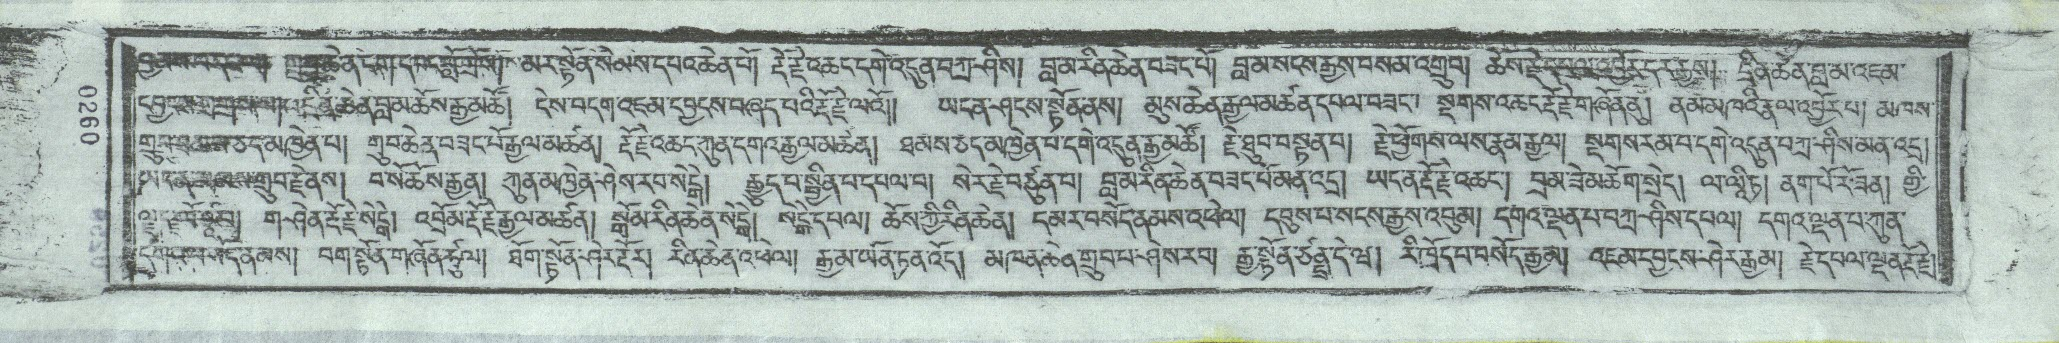བྱམས་པ་དཔལ། གྲུབ་ཆེན་ངག་དབང་བློ་གྲོས། མར་སྟོན་སེམས་དཔའ་ཆེན་པོ། རྡོ་རྗེ་འཆང་དགེ་འདུན་བཀྲ་ཤིས། བླ་མ་རིན་ཆེན་བཟང་པོ། བླ་མ་སངས་རྒྱས་བསམ་འགྲུབ། ཆོས་རྗེ་དཔལ་འབྱོར་དར་རྒྱལ། དྲིན་ཆེན་བླ་མ་འཇམ་
དབྱངས་གྲགས་པ། དྲིན་ཆེན་བླ་མ་ཆོས་རྒྱ་མཚོ། ངེས་བདག་འཇམ་དབྱངས་བཞད་པའི་རྡོ་རྗེ་ལའོ།། ཡང་ན་ཤངས་སྟོན་ནས། མུས་ཆེན་རྒྱལ་མཚན་དཔལ་བཟང་། སྔགས་འཆང་རྡོ་རྗེ་གཞོན་ནི། ནམ་མཁའི་རྣལ་འབྱོར་བ། མཁས་
གྲུབ་ཐམས་ཅད་མཁྱེན་པ། གྲུབ་ཆེན་བཟང་པོ་རྒྱལ་མཚན། རྡོ་རྗེ་འཆང་ཀུན་དགའ་རྒྱལ་མཚན། ཐམས་ཅད་མཁྱེན་པ་དགེ་འདུན་རྒྱ་མཚོ། རྗེ་ཐུབ་བསྟན་པ། རྗེ་ཕྱོགས་ལས་རྣམ་རྒྱལ། སྔགས་རམ་པ་དགེ་འདུན་བཀྲ་ཤིས་ལྡན་འདྲ།
ཡང་ན་མཁས་གྲུབ་རྗེ་ནས། བ་སོ་ཆོས་རྒྱན། ཀུན་མཁྱེན་ཤེས་རབ་སེངྒེ། རྒྱུད་པ་སྦྱིན་པ་དཔལ་བ། སེར་རྗེ་བཙུན་པ། བླ་མ་རིན་ཆེན་བཟང་པོ་ནན་འདྲ། ཡང་ན་རྡོ་རྗེ་འཆང་། བྲམ་ཟེ་མཆོག་སྲེད། ལ་ལཱི་ཏ། ནག་པོ་རོ་ཟན། གྱི་
ལྗང་ལོ་ཙཱ་བ། གཤེན་རྡོ་རྗེ་སེངྒེ། འབྲོམ་རྡོ་རྗེ་རྒྱལ་མཚན། སྒོམ་རིན་ཆེན་སེངྒེ། སེངྒེ་དཔལ། ཆོས་ཀྱི་རིན་ཆེན། དམར་བསོད་ནམས་འཕེལ། དབུས་པ་སངས་རྒྱས་འབུམ། དགའ་ལྡན་བ་བཀྲ་ཤིས་དཔལ། དགའ་ལྡན་པ་ཀུན་
དགའ་བསོད་ནམས་བག་སྟོན་གཞོན་ཚུལ། ཐོག་སྟོན་ཤེར་རྡོར། རིན་ཆེན་འཕེལ། རྒྱ་མ་ཡོན་ཏན་འོད། མཁན་ཆེན་གྲུབ་པ་ཤེས་རབ། རྒྱ་སྟོན་ཙནྡྲ་དེ་ཝ། རི་ཁྲོད་པ་བསོད་རྒྱ་མ། འཇམ་དབྱངས་ཤེར་རྒྱ་མ། རྗེ་དཔལ་ལྡན་རྡོ་རྗེ།